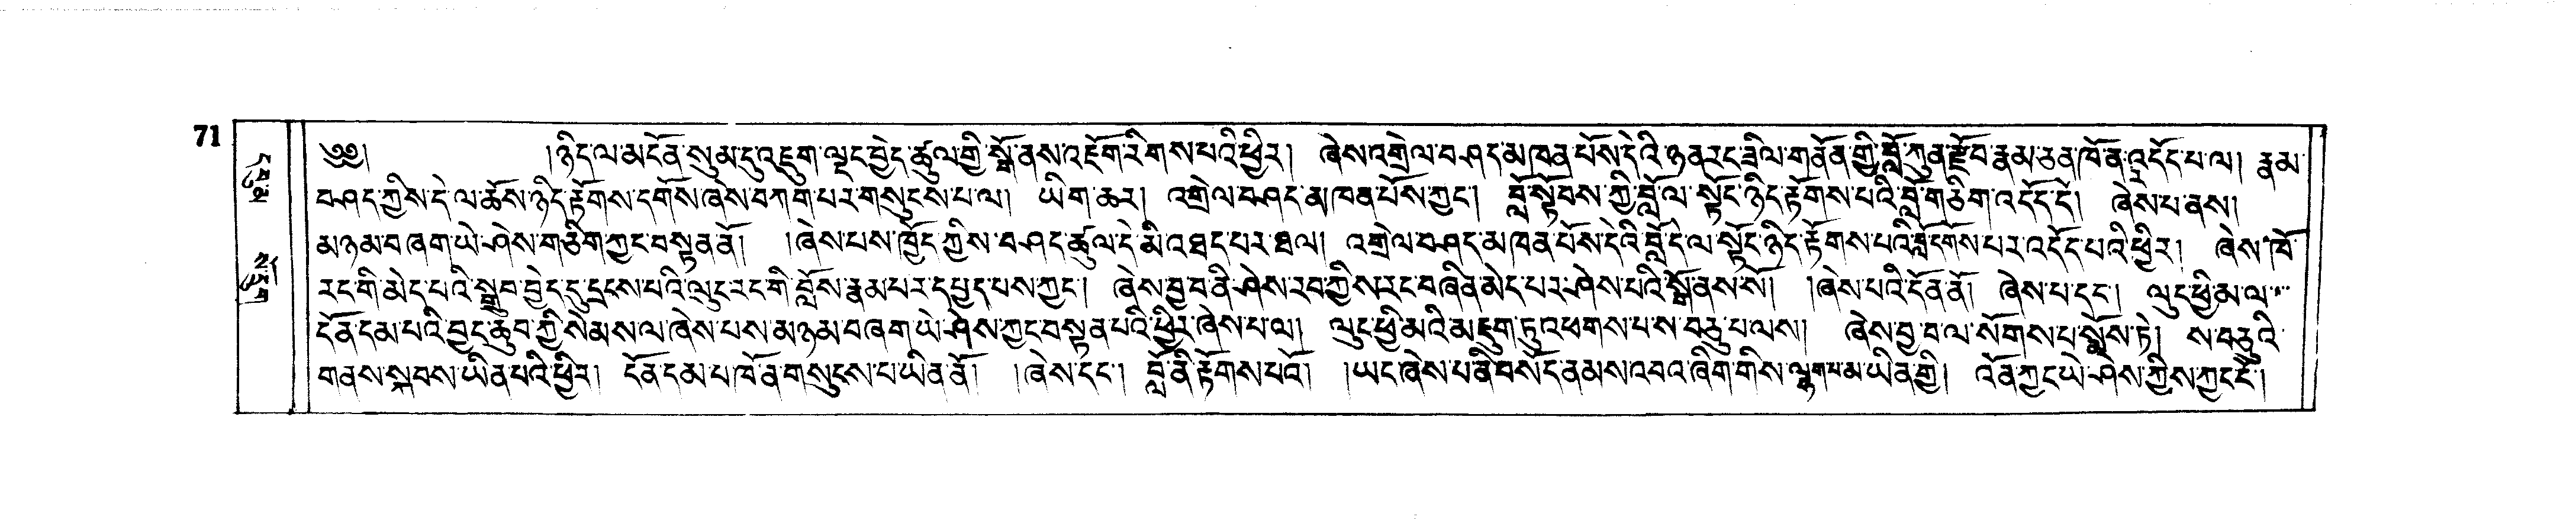༄༅། །ཉིད་ལ་མངོན་སུམ་དུ་འཇུག་ལྡང་བྱེད་ཚུལ་གྱི་སྒོ་ནས་འཇོག་རིགས་པའི་ཕྱིར། ཞེས་འགྲེལ་བཤད་མཁན་པོས་དེའི་ཉན་རང་ཟིལ་གནོན་གྱི་བློ་ཀུན་རྫོབ་རྣམ་ཅན་ཁོ་ནར་འདོད་པ་ལ། རྣམ་
བཤད་ཀྱིས་དེ་ལ་ཆོས་ཉིད་རྟོགས་དགོས་ཞེས་བཀག་པར་གསུངས་པ་ལ། ཡིག་ཆར། འགྲེལ་བཤད་མཁན་པོས་ཀྱང་། བློ་སྟོབས་ཀྱི་བློ་ལ་སྟོང་ཉིད་རྟོགས་པའི་བློ་གཅིག་འདོད་དེ། ཞེས་པ་ནས།
མཉམ་བཞག་ཡེ་ཤེས་གཅིག་ཀྱང་བསྟན་ནོ། །ཞེས་པས་ཁྱོད་ཀྱིས་བཤད་ཚུལ་དེ་མི་འཐད་པར་ཐལ། འགྲེལ་བཤད་མཁན་པོས་དེའི་བློ་དེ་ལ་སྟོང་ཉིད་རྟོགས་པའི་བློ་དགོས་པར་འདོད་པའི་ཕྱིར། ཞེས་ཁོ་
རང་གི་མེད་པའི་སྒྲུབ་བྱེད་དུ་དྲངས་པའི་ལུང་རང་གི་བློས་རྣམ་པར་དཔྱད་པས་ཀྱང་། ཞེས་བྱ་བ་ནི་ཤེས་རབ་ཀྱིས་རང་བཞིན་མེད་པར་ཤེས་པའི་སྒོ་ནས་སོ། །ཞེས་པའི་དོན་ནོ། ཞེས་པ་དང་། ལུང་ཕྱི་མ་ལ་
དོན་དམ་པའི་བྱང་ཆུབ་ཀྱི་སེམས་ལ་ཞེས་པས་མཉམ་བཞག་ཡེ་ཤེས་ཀྱང་བསྟན་པའི་ཕྱིར་ཞེས་པ་ལ། ལུང་ཕྱི་མའི་མཇུག་ཏུ་འཕགས་པ་ས་བཅུ་པ་ལས། ཞེས་བྱ་བ་ལ་སོགས་པ་སྨོས་ཏེ། ས་བཅུའི་
གནས་སྐབས་ཡིན་པའི་ཕྱིར། དོན་དམ་པ་ཁོ་ན་གསུངས་པ་ཡིན་ནོ། །ཞེས་དང་། བློ་ནི་རྟོགས་པའོ། །ཡང་ཞེས་པ་ནི་བསོད་ནམས་འབའ་ཞིག་གིས་ལྷག་པ་མ་ཡིན་གྱི། འོན་ཀྱང་ཡེ་ཤེས་ཀྱིས་ཀྱང་ངོ།